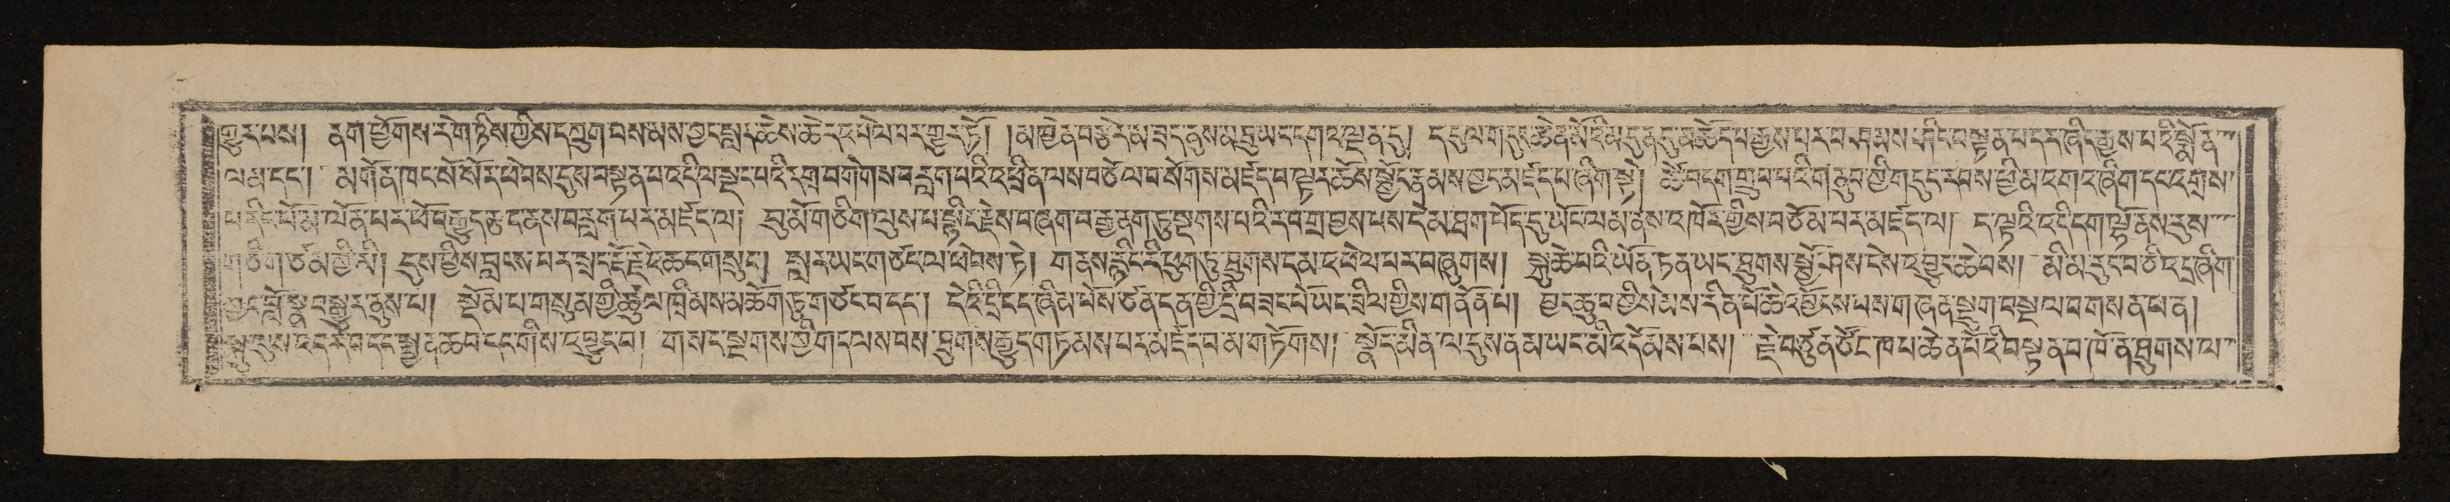གྱུར་པས། ནག་ཕྱོགས་རེ་གཉིས་ཀྱིས་དཀྲུག་བསམས་ཀྱང་སླར་ཆེས་ཆེར་འཕེལ་བར་གྱུར་ཏོ། །མཁྱེན་བརྩེར་མ་ཟད་ནུས་མཐུ་ཡང་དགའ་ལྡན་དུ། དངུལ་གདུང་ཆེན་མོའི་མདུན་དུ་མཆོད་པ་རྒྱས་པར་བཤམས་ཤིང་བསྟན་པ་དར་ཞིང་རྒྱས་པའི་སྨོན་
ལམ་དང་། མགོན་ཁང་སོ་སོར་ཕེབས་དུས་བསྟན་པ་འདི་ལ་སྡང་བའི་དགྲ་བགེགས་བརླག་པའི་འཕྲིན་ལས་བཅོལ་བ་སོགས་མཛད་པ་ལྟར་ཆོས་སྐྱོང་རྣམས་ཀྱང་མཛད་པ་ཞིག་སྟེ། ཚེ་བདག་གྲུབ་པའི་ག་ནུབ་ཀྱི་གདུང་རབས་ཕྱི་མ་འགའ་ཞིག་དང་འགྲས་
པ་རིང་པོ་མ་ལོན་པར་ཕོ་བརྒྱུད་རྩད་ནས་བརླག་པར་མཛད་ལ། བུ་མོ་གཅིག་ལུས་པ་སྙིང་རྗེས་བཞག་པ་རྒྱ་ནག་ཏུ་སྔགས་པའི་རབ་གྲ་བྱས་པས་དེ་མ་ཐག་བོད་དུ་ཡོང་ལམ་ནས་འཁོར་གྱིས་བཅོམ་པར་མཛད་ལ། ད་ལྟའི་འདི་དག་ལྷོ་ནས་རུས་
གཅིག་ཙམ་ཀྱི་མི། དུས་ཕྱིས་བླངས་པར་སྲད་རྡོ་རྗེ་འཆང་གསུང་། སླར་ཡང་གཙང་ལ་ཕེབས་ཏེ། གནས་རྙིང་རི་ཕུག་ཏུ་ཐུགས་དམ་འཕེལ་བར་བཞུགས། སྐུ་ཆེ་བའི་ཡོན་ཏན་ཡང་ཐུགས་སྐྱོ་ཤས་ངེས་འབྱུང་ཆེ་བས། མི་མ་རུང་བ་ཅི་འདྲ་ཞིག་
ཀྱང་བློ་སྣ་བསྒྱུར་ནུས་པ། སྡོམ་པ་གསུམ་གྱི་ཚུལ་ཁྲིམས་མཆོག་ཏུ་གཙང་བ་དང་། དེའི་དྲི་ངད་ཞིམ་པོས་ཙན་དན་གྱི་དྲི་བཟང་པོ་ཡང་ཟིལ་གྱིས་གནོན་པ། བྱང་ཆུབ་ཀྱི་སེམས་རིན་པོ་ཆེ་འབྱོངས་པས་གཞན་སྡུག་བསྔལ་བ་གསན་པ་ན།
སྐུ་ལུས་འདར་བ་དང་སྤྱན་ཆབ་དང་གིས་འབྱུང་བ། གསང་སྔགས་ཀྱི་གདམས་པས་ཐུགས་རྒྱུད་གཏམས་པར་མཛད་པ་མ་གཏོགས། སྣོད་མིན་ལ་དུས་ནམ་ཡང་མི་འདོམས་པས། རྗེ་བཙུན་ཙོང་ཁ་བ་ཆེན་པོའི་བསྟན་པ་ཁོ་ན་ཐུགས་ལ་